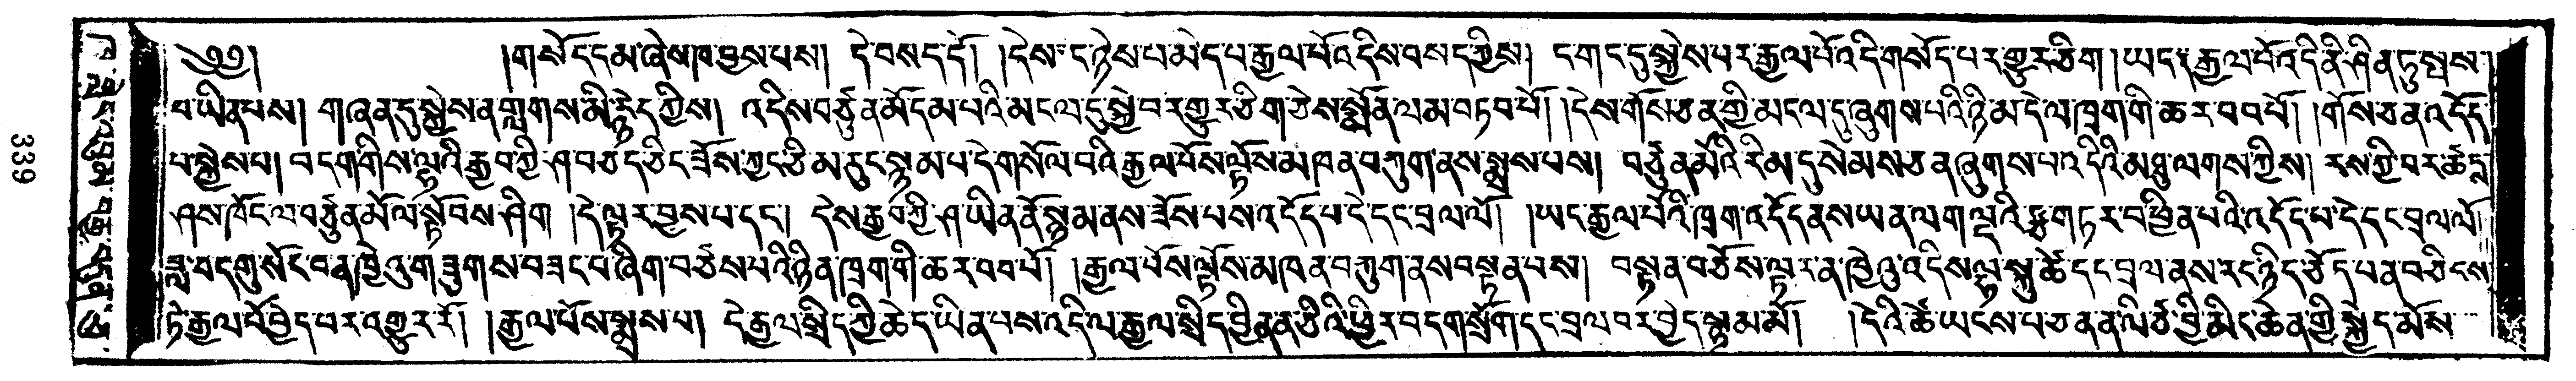༄༅། །གསོད་དམ་ཞེས་ཁ་བྱས་པས། དེ་བསད་དོ། །དེས༑ ང་ཉེས་པ་མེད་པ་རྒྱལ་པོ་འདིས་བསད་ཀྱིས། ང་གང་དུ་སྐྱེས་པར་རྒྱལ་པོ་འདི་གསོད་པར་གྱུར་ཅིག །ཡང༑ རྒྱལ་པོ་འདི་ནི་ཤིན་ཏུ་སྤས་
པ་ཡིན་པས། གཞན་དུ་སྐྱེས་ན་གླགས་མི་རྙེད་ཀྱིས། འདིས་བཙུན་མོ་དམ་པའི་མངལ་དུ་སྐྱེ་བར་གྱུར་ཅིག་ཅེས་སྨོན་ལམ་བཏབ་པོ། །དེས་གོས་ཅན་གྱི་མངལ་དུ་ཞུགས་པའི་ཉི་མ་དེ་ལ་ཁྲག་གི་ཆར་བབ་པོ། །གོས་ཅན་འདོད་
པ་སྐྱེས་པ། བདག་གིས་ལྷའི་རྒྱབ་ཀྱི་ཤ་བཅད་ཅིང་ཟོས་ཀྱང་ཅི་མ་རུང་སྙམ་པ་དེ་གསོལ་བའི་རྒྱལ་པོས་ལྟོས་མཁན་བཀུག་ནས་སྨྲས་པས། བཙུན་མོའི་རིམ་དུ་སེམས་ཅན་ཞུགས་པ་འདིའི་མཐུ་ལགས་ཀྱིས། རས་ཀྱི་བར་ཚངས་
ཤས་ཁོང་ལ་བཙུན་མོ་ལ་སྟོབས་ཤིག །དེ་ལྟར་བྱས་པ་དང་། དེས་རྒྱབ་ཀྱི་ཤ་ཡིན་ནོ་སྙམ་ནས་ཟོས་པས་འདོད་པ་དེ་དང་བྲལ་ལོ། །ཡང་རྒྱལ་པོའི་ཁྲག་འདོད་ནས་ཡན་ལག་ལྔའི་རྩ་གཏར་བ་ཕྱིན་པའི་འདོད་པ་དེ་དང་བྲལ་ལོ།།
ཟླ་བ་དགུ་སོང་བ་ན་ཁྱེའུ་གཟུགས་བཟང་བ་ཞིག་བཙས་པའི་ཉིན་ཁྲག་གི་ཆར་བབ་པོ། །རྒྱལ་པོས་ལྟོས་མཁན་བཀུག་ནས་བསྟན་པས། བསྟན་བཅོས་ལྟར་ན་ཁྱེའུ་འདིས་ལྷ་སྐུ་ཚེ་དང་བྲལ་ནས་རང་ཉིད་ཅོད་པན་བཅིངས་
ཏེ་རྒྱལ་པོ་བྱེད་པར་འགྱུར་རོ། །རྒྱལ་པོས་སྨྲས་པ། དེ་རྒྱལ་སྲིད་ཀྱི་ཆེད་ཡིན་པས་འདི་ལ་རྒྱལ་སྲིད་བྱིན་ན་ཅིའི་ཕྱིར་བདག་སྲོག་དང་བྲལ་བར་བྱེད་སྙམ་མོ། །དེའི་ཚེ་ཡངས་པ་ཅན་ན་ལི་ཙ་བྱི་མིང་ཆེན་གྱི་སྐྱེད་མོས་